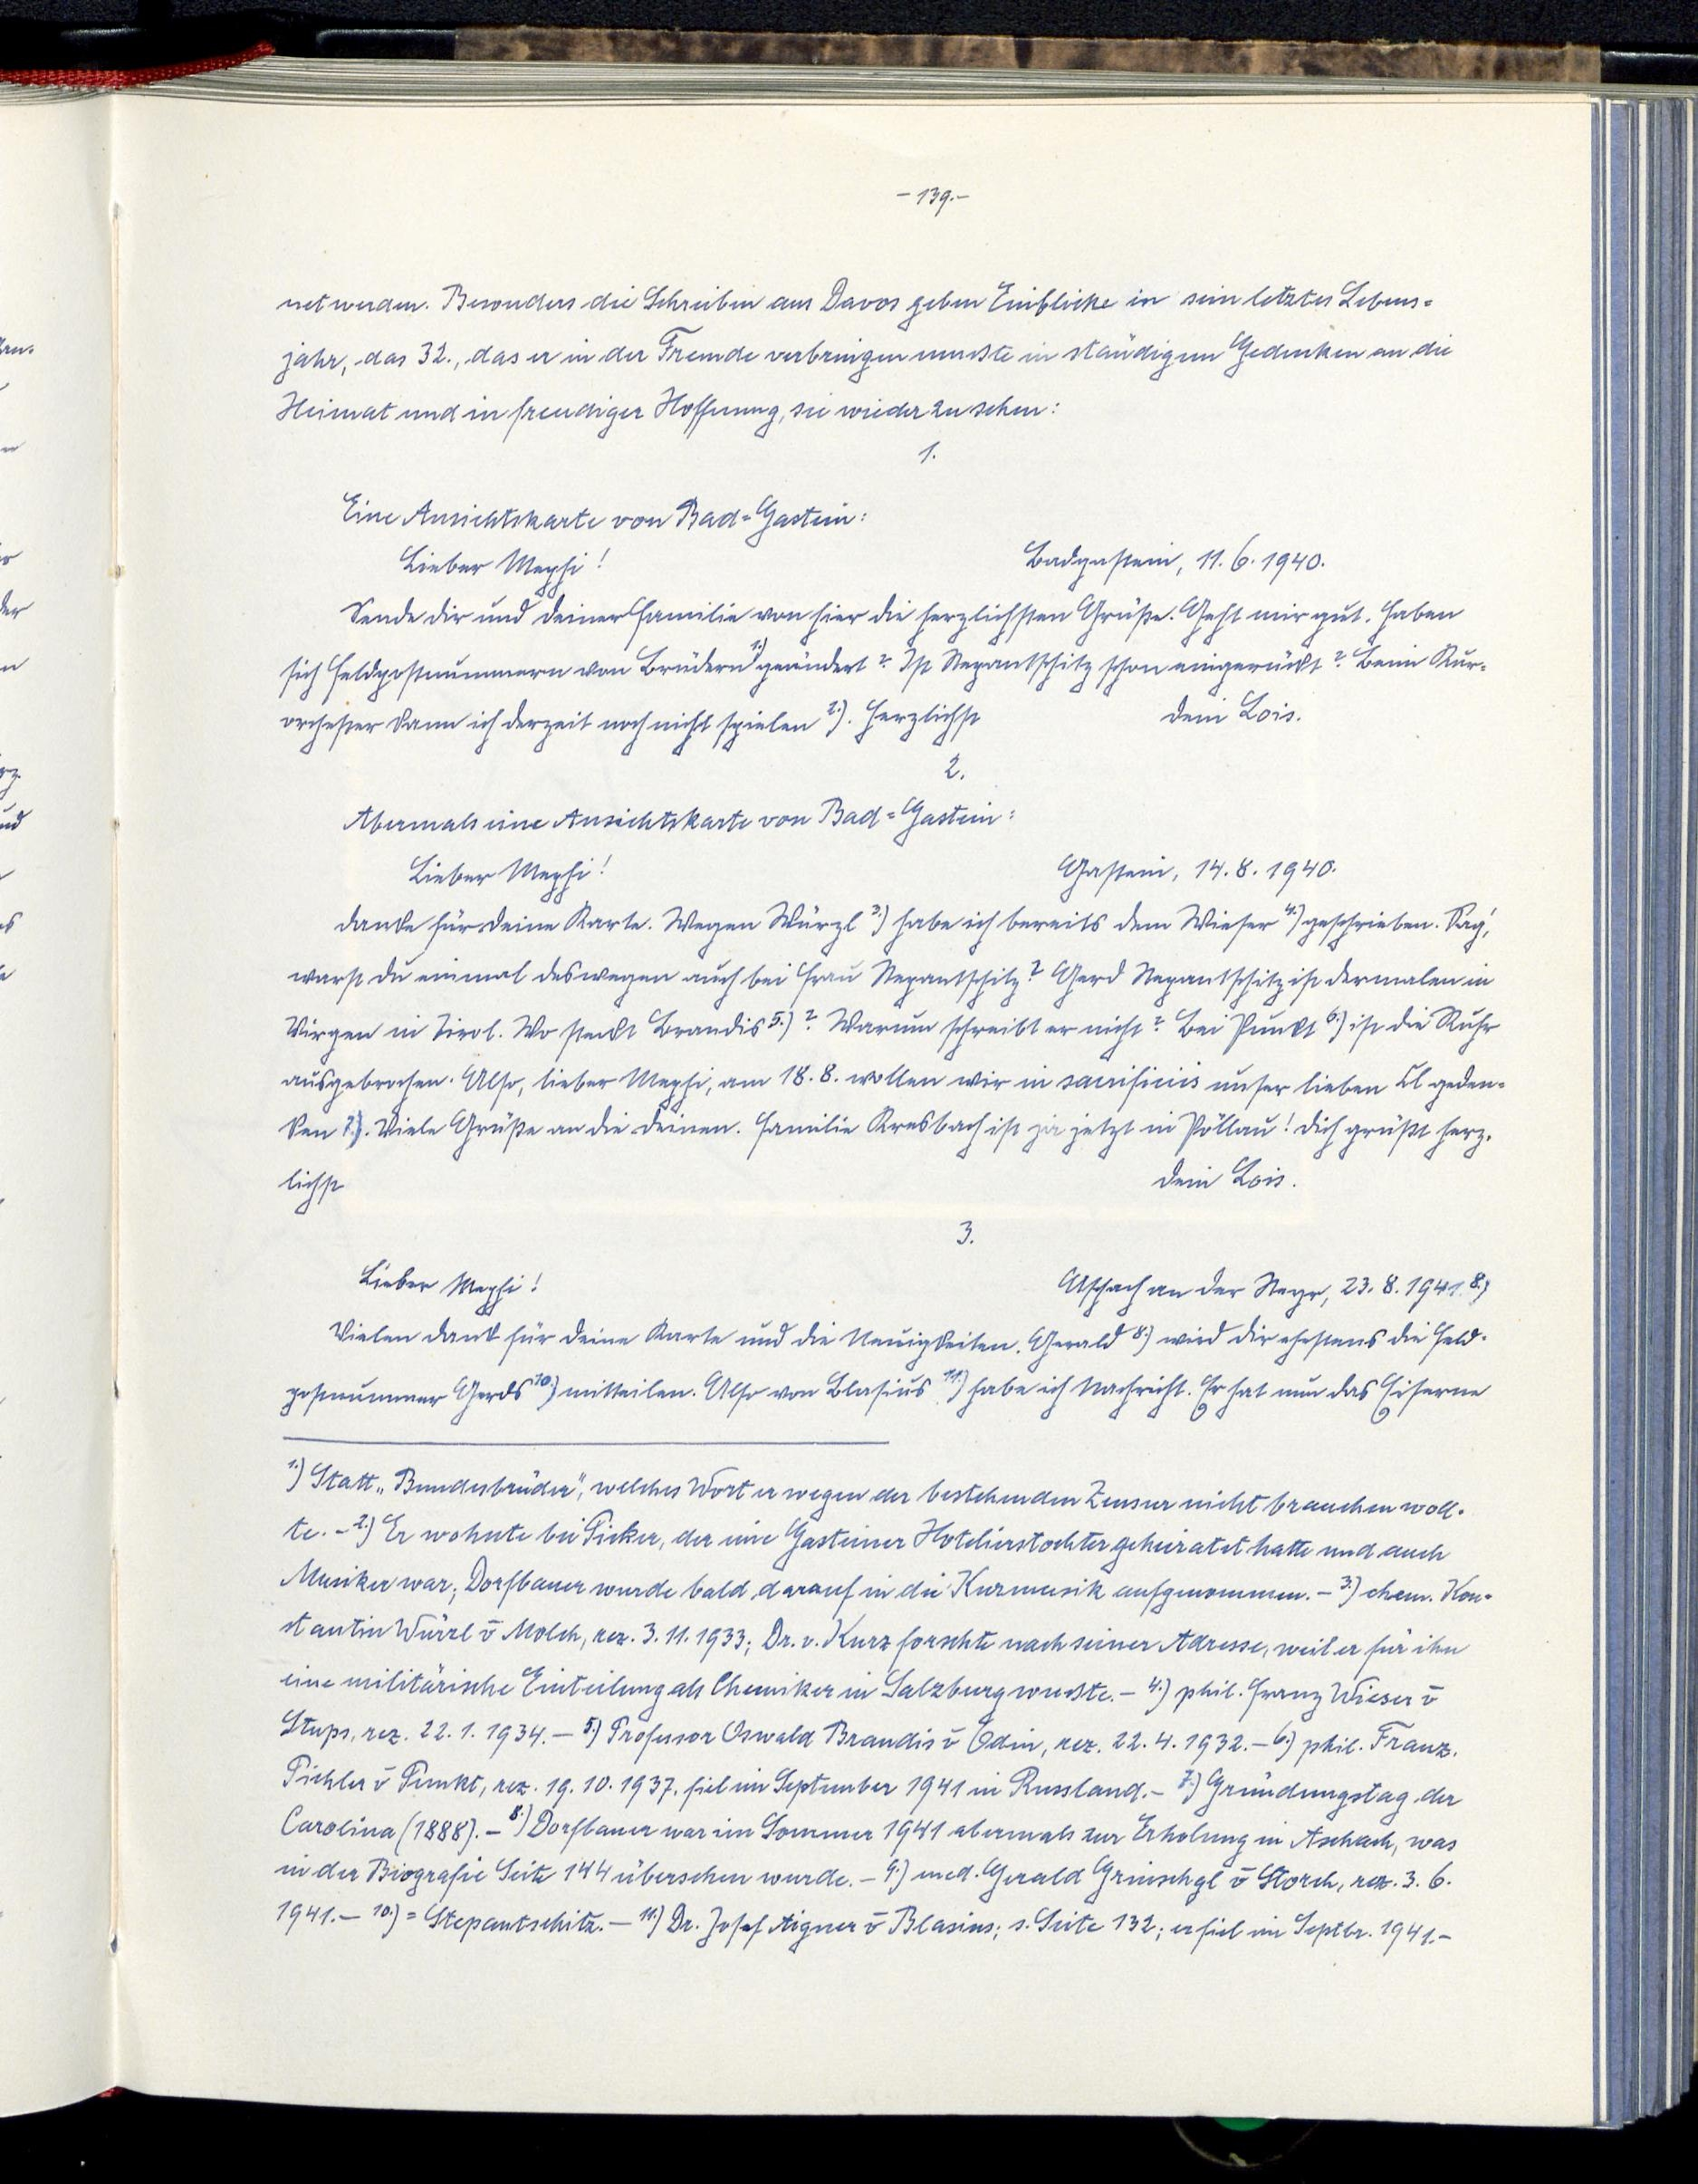139
net werden. Besonders die Schreiben aus Davos geben Einblicke in sein letzter Lebens-
jahr, das 32., das er in der Fremde verbringen mußte in ständigem Gedanken an die
Heimat und in freudiger Hoffnung, sie wiederzusehen:
Eine Ansichtkarte von Bad Gastein:
Bad Gastein, 11. 6. 1940
Lieber Mephi!
Sende dir und deiner Familie von hier die berzlichsten Grüße. Geht mir gut. Haben
sich Feldpostnummern von Brüdern1) geändert ? Ist Stepantschitz schon eingerückt . Beim Kur-
orchester kann ich derzeit noch nicht spielen 2). Herzlichst
Dein Lois
Abermals eine Ansichtskarte von Bad- Gastein:
Grastein, 14. 8. 1940.
Lieber Mephi!
Danke für deine Karte. Wegen Würzl.3) habe ich bereits dem Wieser 4) geschrieben. Sag,
warst du einmal deswegen auch bei Frau Stepantschitz? Gere Stepantschitzitz dermalen in
Virgen in Tirol. Wo steckt Brandis 25)? Warum schreibt er nicht? Bei Punkt 6) ist die Ruhr
ausgebrochen. Also, lieber Mephi, am 18. 8. wollen wir im sacrificis unser lieben Cl geden-
ken . Viele Grüße an die deinen. Familie Kresbach ist ja jetzt in Pöllau! dich grüßt herz-
lichst
Dein Lois.
Lieber Mephi
Aschach an der Steyr, 20. 8. 1941 8)
Vielen Dank für deine Karte und die Neuigkeiten. Gerald 9) wird dir ehestens die Feld-
postnummer Gerds 10) mitteilen. Also von Blasius S) habe ich Nachricht. Er hat nun das Eiserne
1.) Statt „Bundesbrüder“, welches Wort er wegen der bestehenden Zensur nicht brauchen woll-
te.- 2) Er wohnte bei Pirker, der eine Gasteiner Hotelierstochter geheiratet hatte und auch
Musiker war. Dorfbauer wurde bald darauf in die Kurmusik aufgenommen.- 3) chem. Kon-
stantin Würzl v/o Molch, rez. 3. 11. 1933, Dr. v. Kurz forschte nach seiner Adresse, weil er für ihn
eine militärischen Einteilung als Chemiker in Salzburg wusste. - 4) phil. Franz Wieser v/o
Stups, rez. 22. 1. 1934. 5) Professor Oswald Brandis v/o Odin, rez. 22. 4. 1932.- 6) phil. Franz.
Pichler v/o Punkt, rez. 19. 10. 1937. fiel im September 1941 in Russland.- 7) Gründungstag der
Carolina (1888). 8) Dorfbauer war im Sommer 1941 abermals zur Erholung in Aschach, was
in der Biografie Seite 144 übersehen wurde. 9) med. Gerald Grischgl v/o Storch, rez. 3. 6.
1941.- 10) Stepantschitz.- 11)Dr. Josef Aigner v/o Blasius, s. Seite 132; erhielt im Septbr 1941-